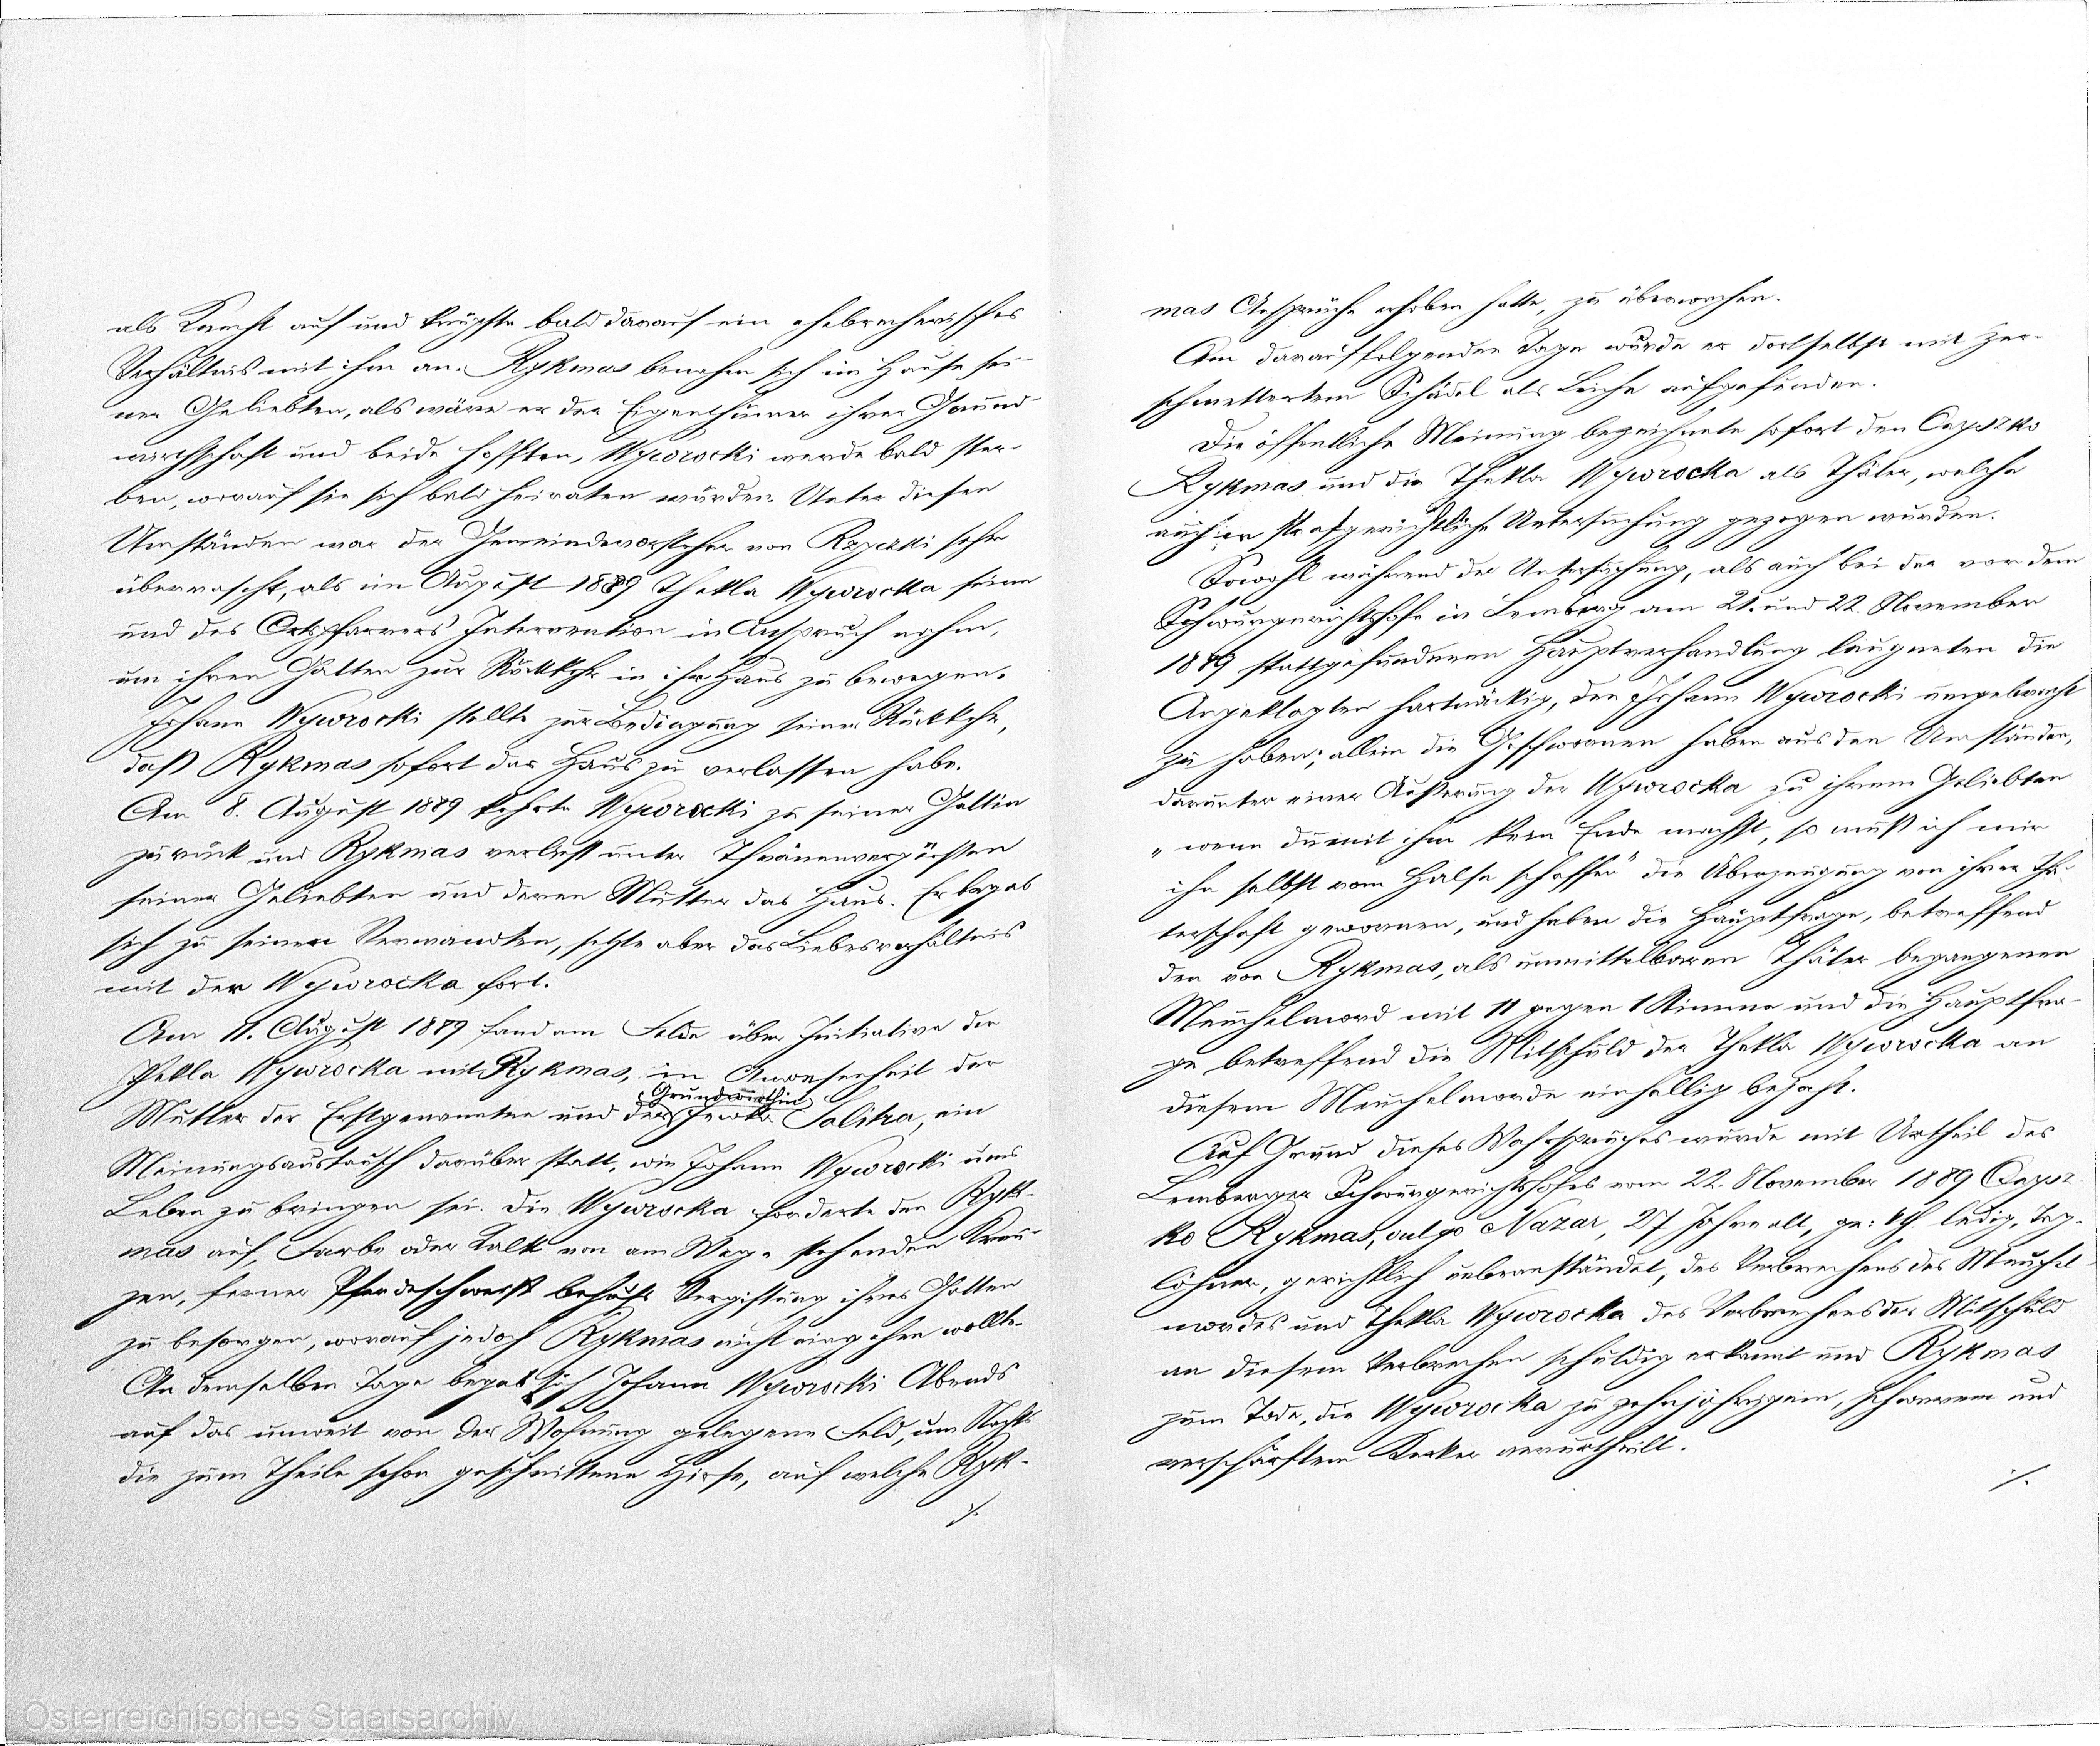als Knecht auf und knüpfte bald daraus ein ehebrecherisches
Verhältnis mit ihm an. Rykmas benahm sich im Haufe sei¬
ner Geliebten, als wäre er der Eigenthümer ihrer Grund¬
wirthschaft und beide hofften, Wywrocki werde bald ster¬
ben, worauf sie sich bald heiraten wüurden Unter diesen
Umständen war der Gemeindevorsteher von Rzyczki sehr
überrascht, als im August 1889 Thekla Wywrocka seine
und des Ortspfarrers Intervention in Anspruch nahm,
um ihren Gatten zur Rückkehr in ihr Haus zu bewegen.
Johanne Wywrocki stellte zur Bedingung seiner Rückkehr,
daß Rykmas sofort das Haus zu verlassen habe.
Am 8. August 1889 kehrte Wywrocki zu seiner Gattin
zurück und Rykmas verließ unter Thränenvergießen
seiner Geliebten und deren Mutter das Haus. Ers begab
sich zu seinen Verwandten, setzte aber das Liebesverhältnis
mit der Wywrocka fort.
Am 11. August 1889 fand am Felde über Initiative der
Thekla Wywrocka mit Rykmas, in Anwesenheit der
Grundwirthin
Mutter der Erstgenannten und der xxkaSolitra, ein
Meinungsaustausch darüber statt, wie JohannWywrocki ums
Leben zu bringen sei.Die Wywrocka forderte den Ryk¬
mas auf, Farbe oder LKalk von am Wege stehenden Kreu¬
zen, ferner Pferdeschwerst behufs Vergiftung ihres Gatten
zu besorgen, worauf jedoch Rykmas nichteingehen wollte.
An demselben Tage begab sich Johann Wywrocki Abends
auf das unweit von der Wohnung gelegene Feld, um Nachts
die zum Theile schon geschrittene Hirse, auf welche Ryk¬
mas Ansprüche erhoben hatte, zu überwachen.
Am darauffolgenden Tage wurde er dortselbst mit Zer¬
schmettertem Schädel als Leiche aufgefunden.
Die öffentliche Meinung bezeichnete sofort den Onyszko
Rykmas und die Thekla Wywrocka als Thäler, welche
auch in strafgerichtliche Untersuchung gezogen wurden.
Sowohl während der Untersuchung, als auch bei der vor dem
Schwurgerichtshofe in Lemberg am 21. und 22. November
1889 stattgefundenen Hauptverhandlung leugneten die
Angeklagten hartnäckig, den Johann Wywrocki umgebracht
zu haben; allein die Geschwornen haben aus den Umständen,
darunter einer Äußerung der Wywrocka zu ihrem Geliebten
„wenn dumit ihm keiun Ende machst, so muß ich mir
ihn selbst vom Halse schaffen“ die Überzeugung von ihrer Thä¬
terschaft gewonnen, und haben die Hauptfrage, betreffend
der von Rykmas, als unmittelbaren Thäler begangenen
Meuchelmord mit 11 gegen 1 Stimme und die Hauptfra¬
ge betreffend die Mitschuld der Thekla Wywrocka an
diesem Meuchelmorde einhellig bejaht.
Auf Grund dieses Wahrspruches wurde mit Urtheil des
Lemberger Schwurgerichtshofes vom 22. November 1889 Onysz¬
ko Rykmas, vulgo Nazar, 27 Jahre alt, ge: kth. ledig, Tag¬
löhner, gerichtlich unbeanständet, des Verbrechens des Meuchel¬
mordes und Thekla Wywrocka des Verbrechens der Mitschuld
an diesem Verbrechen schuldig erkannt und Rykmas
zum Tode, die Wywrocka zu zehnjährigem, schwerem und
verschärftem Kerker verurtheilt.